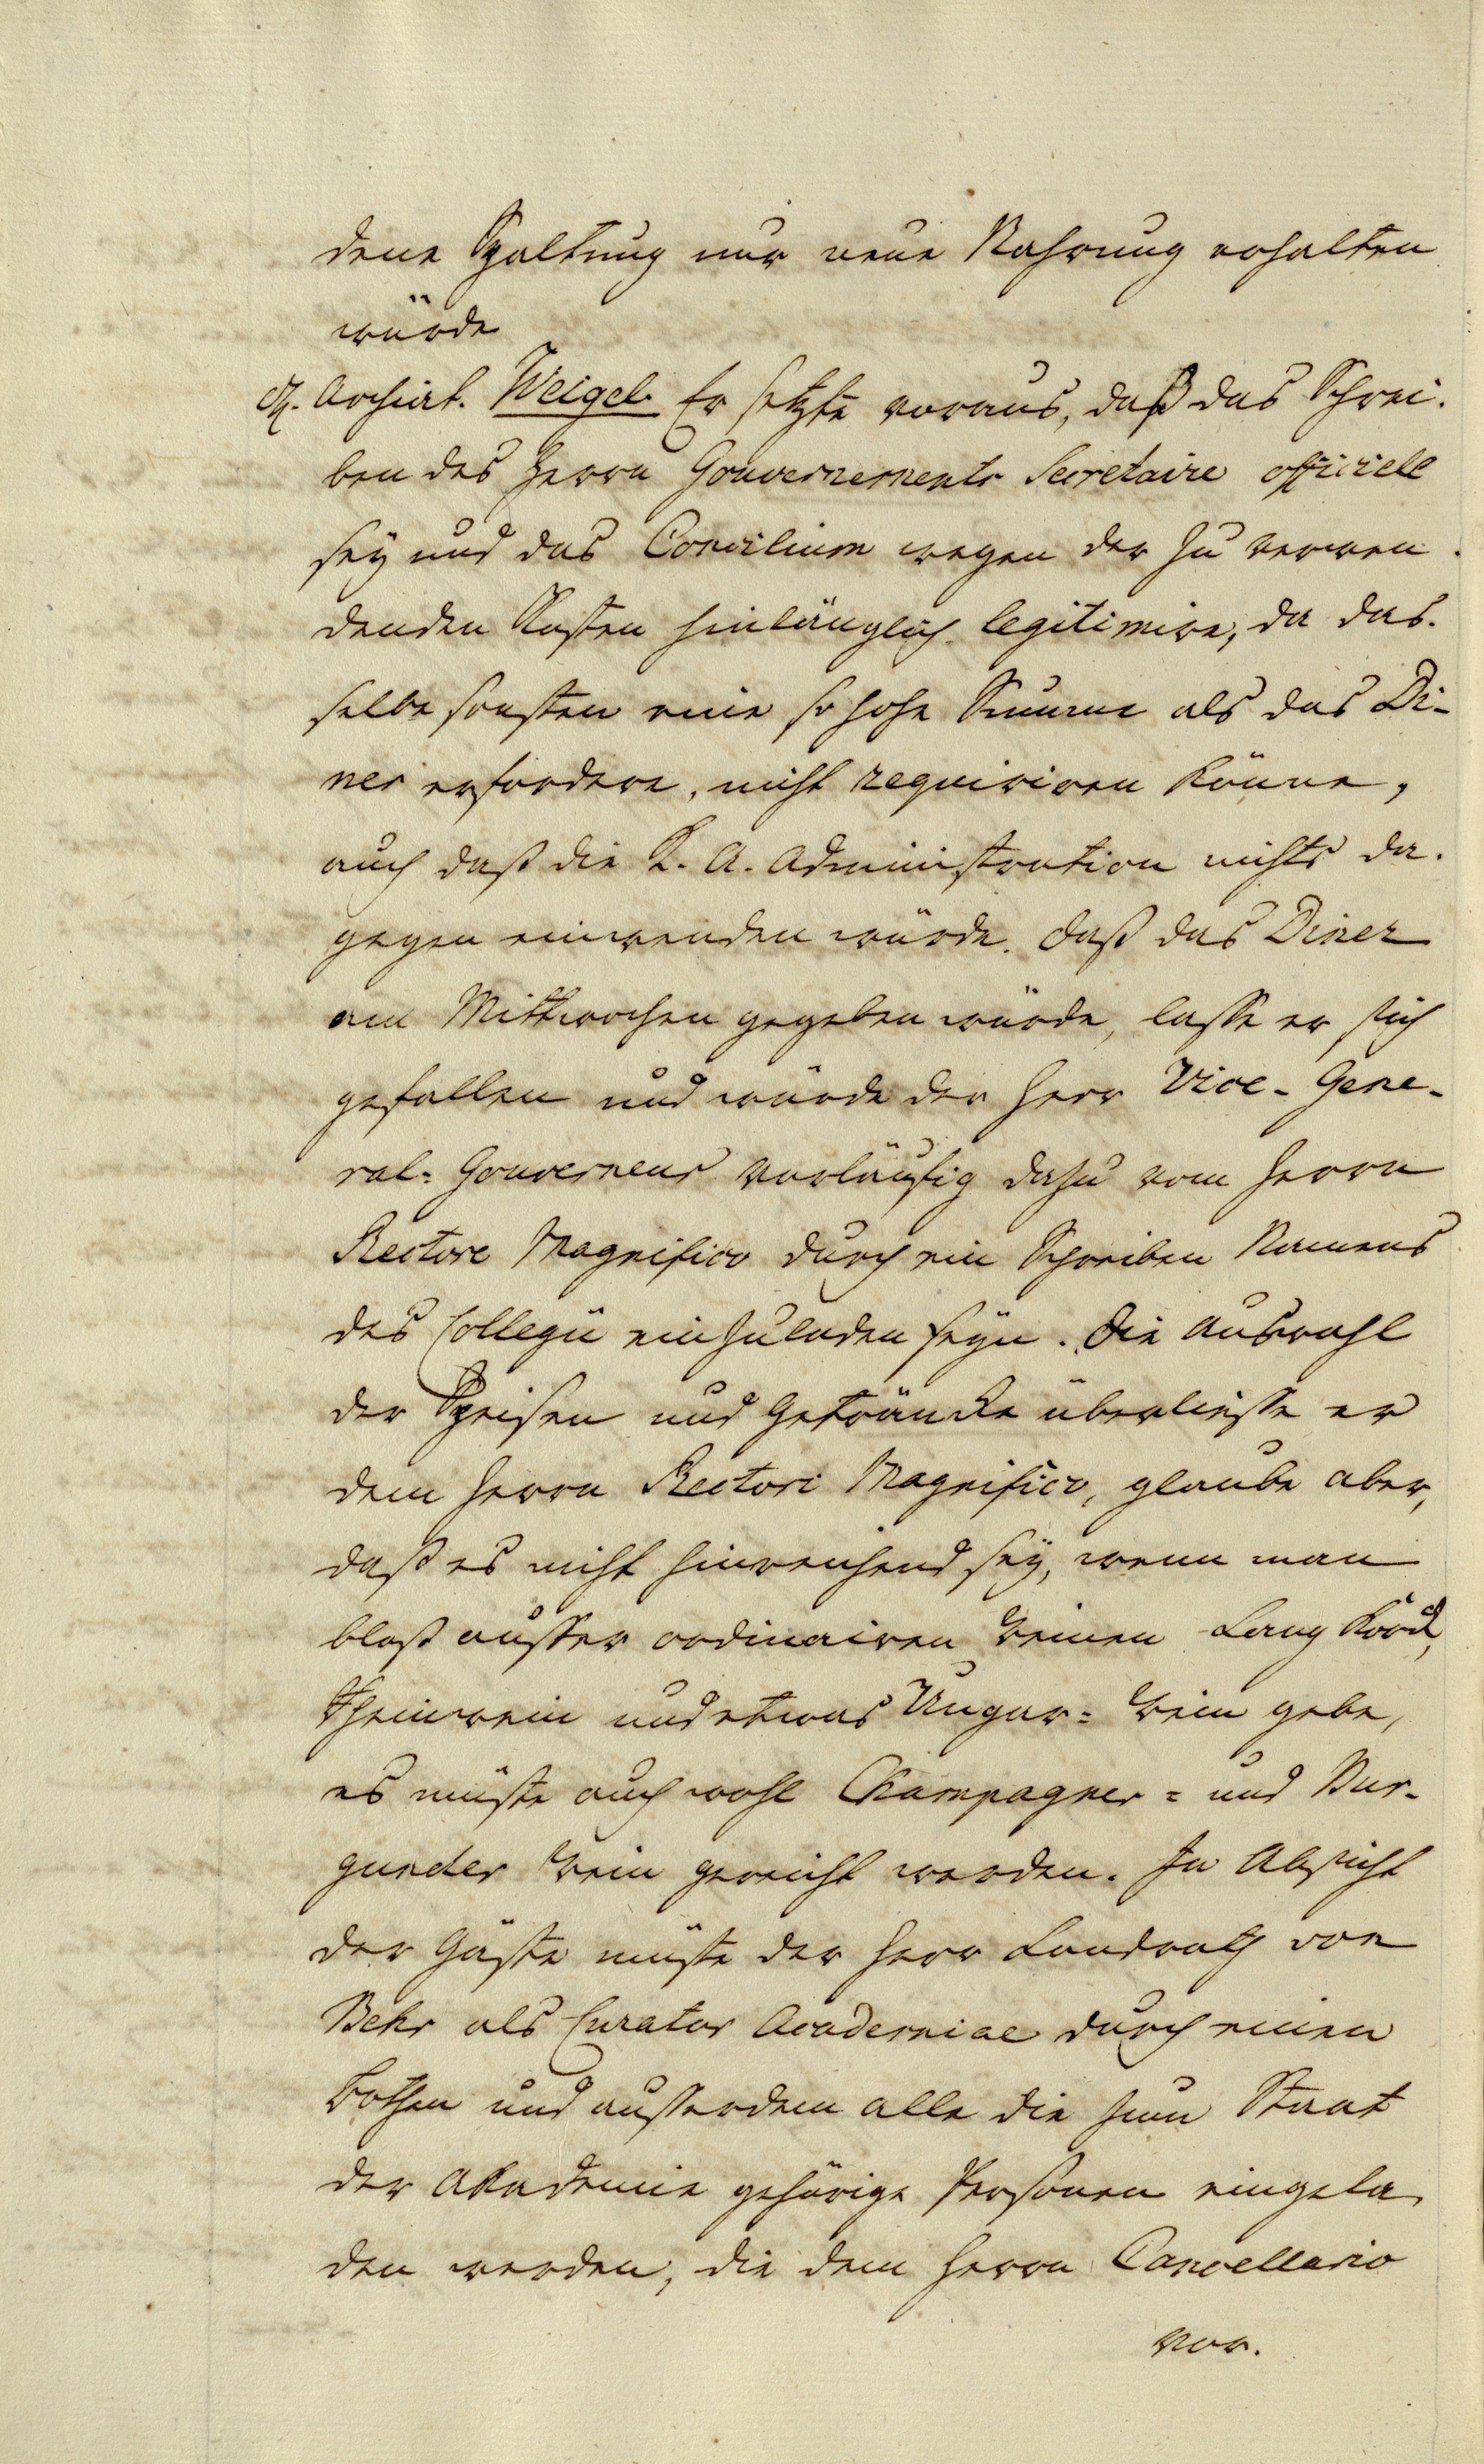dene Spaltung nur neue Nahrung erhalten
würde.
dh. Archiat. Weigel. Er setzte voraus, daß das Schrei¬
ben des Herrn Gouvernements Secretaire officiell
seÿ und das Concilium wegen der zu verwen¬
denden Kosten hinlänglich. legitimire, da das¬
selbe sonsten eine so hohe Summe als das Di
ner erfordere, nicht requiriren könne,
auch daß die K. A. Administration nichts da¬
gegen einwenden würde. Daß das Diner
am Mittwochen gegeben würde, lasse er sich
gefallen und würde der Herr Vice- Gene¬
ral Gouverneur vorläufig dazu vom Herrn
Rectore Magnifico durch ein Schreiben Namens
des Collegii einzuladen seÿn. Die Auswahl
der Speisen und Geträncke überliesse er
dem Herrn Rectori Magnifico, glaube aber
daß es nicht hinreichend seÿ, wenn man
bloß ausser ordinairen Weinen Lang Korck
Rheinwein und etwas Ungar- Wein gebe,
es müßte auch wohl Champagner- und Bur¬
gunder Wein gereicht werden. In Absicht
der Gäste müßte der Herr Landrath von
Behr als Curator Academiae durch einen
Bothen und ausserdem alle die zum Staat
der Akademie gehörige Personen eingela¬
den werden, die dem Herrn Cancellario
vor¬